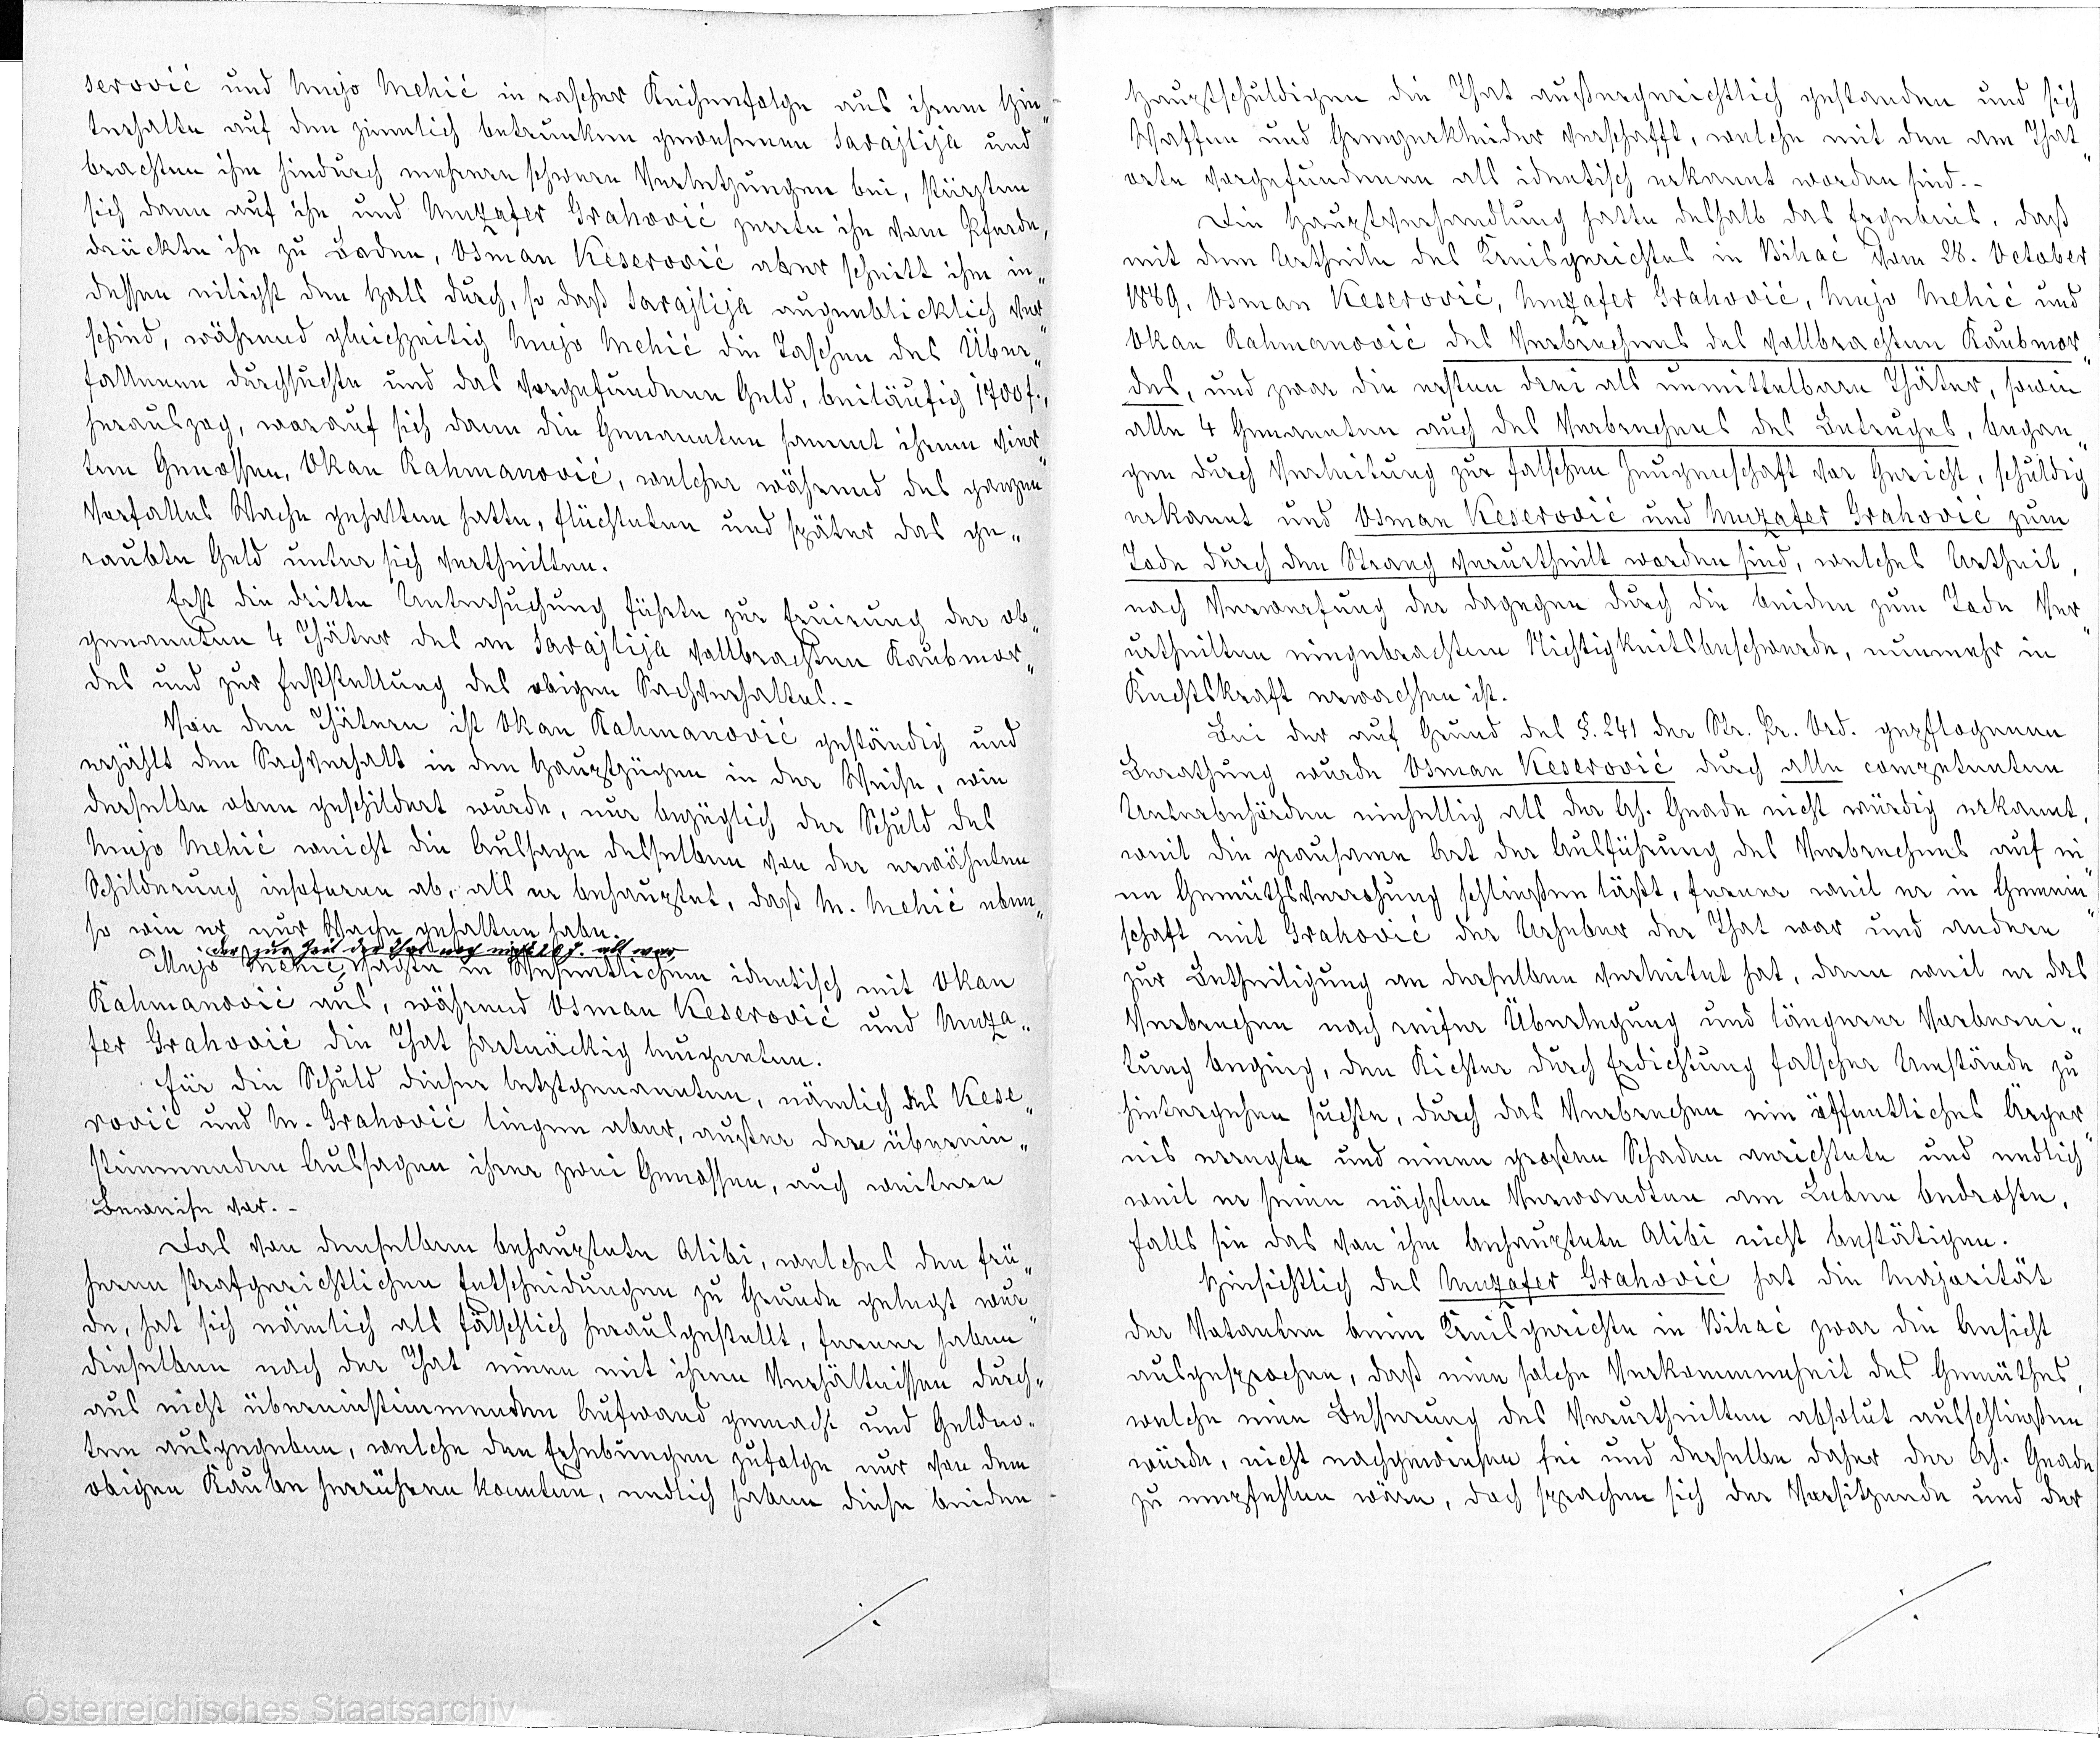serović und Mujo Mehić in rascher Kirchenfolge aus ihrem Hin¬
terhatte auf den ziemlich betrunkenn gewesenen Savajlija und
brachten ihm hindurch mehrere schwere Verletzungen bei, stürzten
sich dann auf ihn und Muzafer Grahović zerrte ihn vom Pferde,
drückte ihn zu Boden, Osman Keserović aber schnitt ihm in¬
dessen eiligst den Hals durhc, so daß Sarajlija augenblicklich ver¬
schind, während gleichzeitig Mujo Mehić die Taschen des Über¬
fallenen durchsuchte und das vorgefundene Geld, beiläufig 1700 f.,
herauszog, worauf sich dann die Genannten sammt ihrem vier¬
ten Genossen, Okan Rahmanović, welcher während des ganzen
Verfalles Wache gehalten hatte, flüchteten und später das ge¬
raubte Geld unter sich vertheilten.
Erst die dritte Untersuchung führte zur Eruirung der ob¬
genannten 4 Thäter des an Savajlija vollbrachten Raubmor¬
des und zur Feststellung des obigen Sachverhaltes.-
Von den Thätern ist Okan Rahmanović geständig und
erzählt den Sachverhalt in den Hauptzügen in der Weise, wie
derselbe oben geschildert wurde, nur bezüglich der Schuld des
Mujo Mehić weicht die Aussage desselben von der erwähnten
Schilderung insoferen ab, als er behauptet, daß M. Mehić eben¬
so wie er nur Wache gehalten habe.
der zur Zeit der That noch icht 20 J. alt war,
Mujo Mehić sagte in Wesentlichem identisch mit Okan
Rahmanović aus, während Osman Keserović und Muza¬
fer Grahović die That hartnäckig leugneten.
Für die Schuld dieser letztgenannten, nämlich des Kese¬
rović und M. Grahović liegen aber, außer den überein¬
stimmenden Aussagen ihrer zwei Genossen, auch weitere
Beweise vor.-
Das von denselben behauptete Alibi, welches den frü¬
heren strafgerichtlichen Entscheidungen zu Grunde gelegt wur¬
de, hat sich nämlich als fälschlich herausgestellt, ferner haben
dieselben nach der That einen mit ihren Verhältnissen durch¬
aus nicht übereinstimmenden Aufwand gemacht und Geldno¬
ten ausgegeben, welche den Erhebungen zufolge nur von dem
obigen Raube herrühren konnten, endlich haben diese beiden.
Hauptschuldigen die That außergerichtlich gestanden und sich
Waffen und Grenzerkleider verschafft, welche mit den am That¬
orte vorgefundenen als identisch erkannt worden sind.-
Die Hauptverhandlung hatte deshalb das Ergebnis, daß
mit dem Urtheile des Kreisgerichtes in Bihać vom 28. October
1889, Osman Keserović, Muzafer Grahović, Mujo Mehić und
Okan Rahmanović des Verbrechens des vollbrachten Raubmor¬
des, und zwar die ersten drei als unmittelbare Thäter, sowie
alle 4 Genannten auch des Verbrechens des Betruges, began¬
gen durch Verleitung zur falschen Jungenschaft vor Gericht, schuldig
erkannt und Osman Keserović und Muzafer Grahović zum
Tode durch den Strang verurtheilt worden sind, welches Urtheil,
nach Verwerfung der dagegen durch die beiden zum Tode Ver¬
urtheilten eingebrachten Nichtigkeitsbeschwerde, nunmehr in
Rechtskraft erwachsen ist.
Bei der auf Grund des §. 241 der Str. Pr. Ord. gepflogenen
Berathung wurde Osman Keserović durch alle competenten
Unterbehörden einhellig als der Ah. Gnade nicht würdig erkannt,
weil die grausame Art der Ausführung des Verbrechens auf ei¬
ne Gemüthsverrohung schließen läßt, ferner weil er in Gemein¬
schaft mit Grahović der Urheber der That war und andere
zur Betheiligung an derselben verleitet hat, dann weil er das
Verbrechen nach reifer Überlegung und längerer Vorberei¬
tung beging, den Richter durch Erdichtung falscher Umstände zu
hintergehen suchte, durch das Verbrechen ein öffentliches Ärger¬
nis erregte und einen großen Schaden anrichtete und endlich
weil er seine nächsten Verwandten am Leben bedrohte,
falls sie das von ihm behauptete Alibi nicht bestätigen.
Hinsichtlich des Muzafer Grahović hat die Majorität
der Votanten beim Kreisgerichte in Bihać zwar die Ansicht
ausgesprochen, daß eine solche Verkommenheit des Gemüthes,
welche eine Besserung des Verurtheilten absolut ausschließen
würde, nicht nachgewiesen sie und derselbe daher der Ah. Gnade
zu empfehlen wäre, doch sprachen sich der Vorsitzende und der